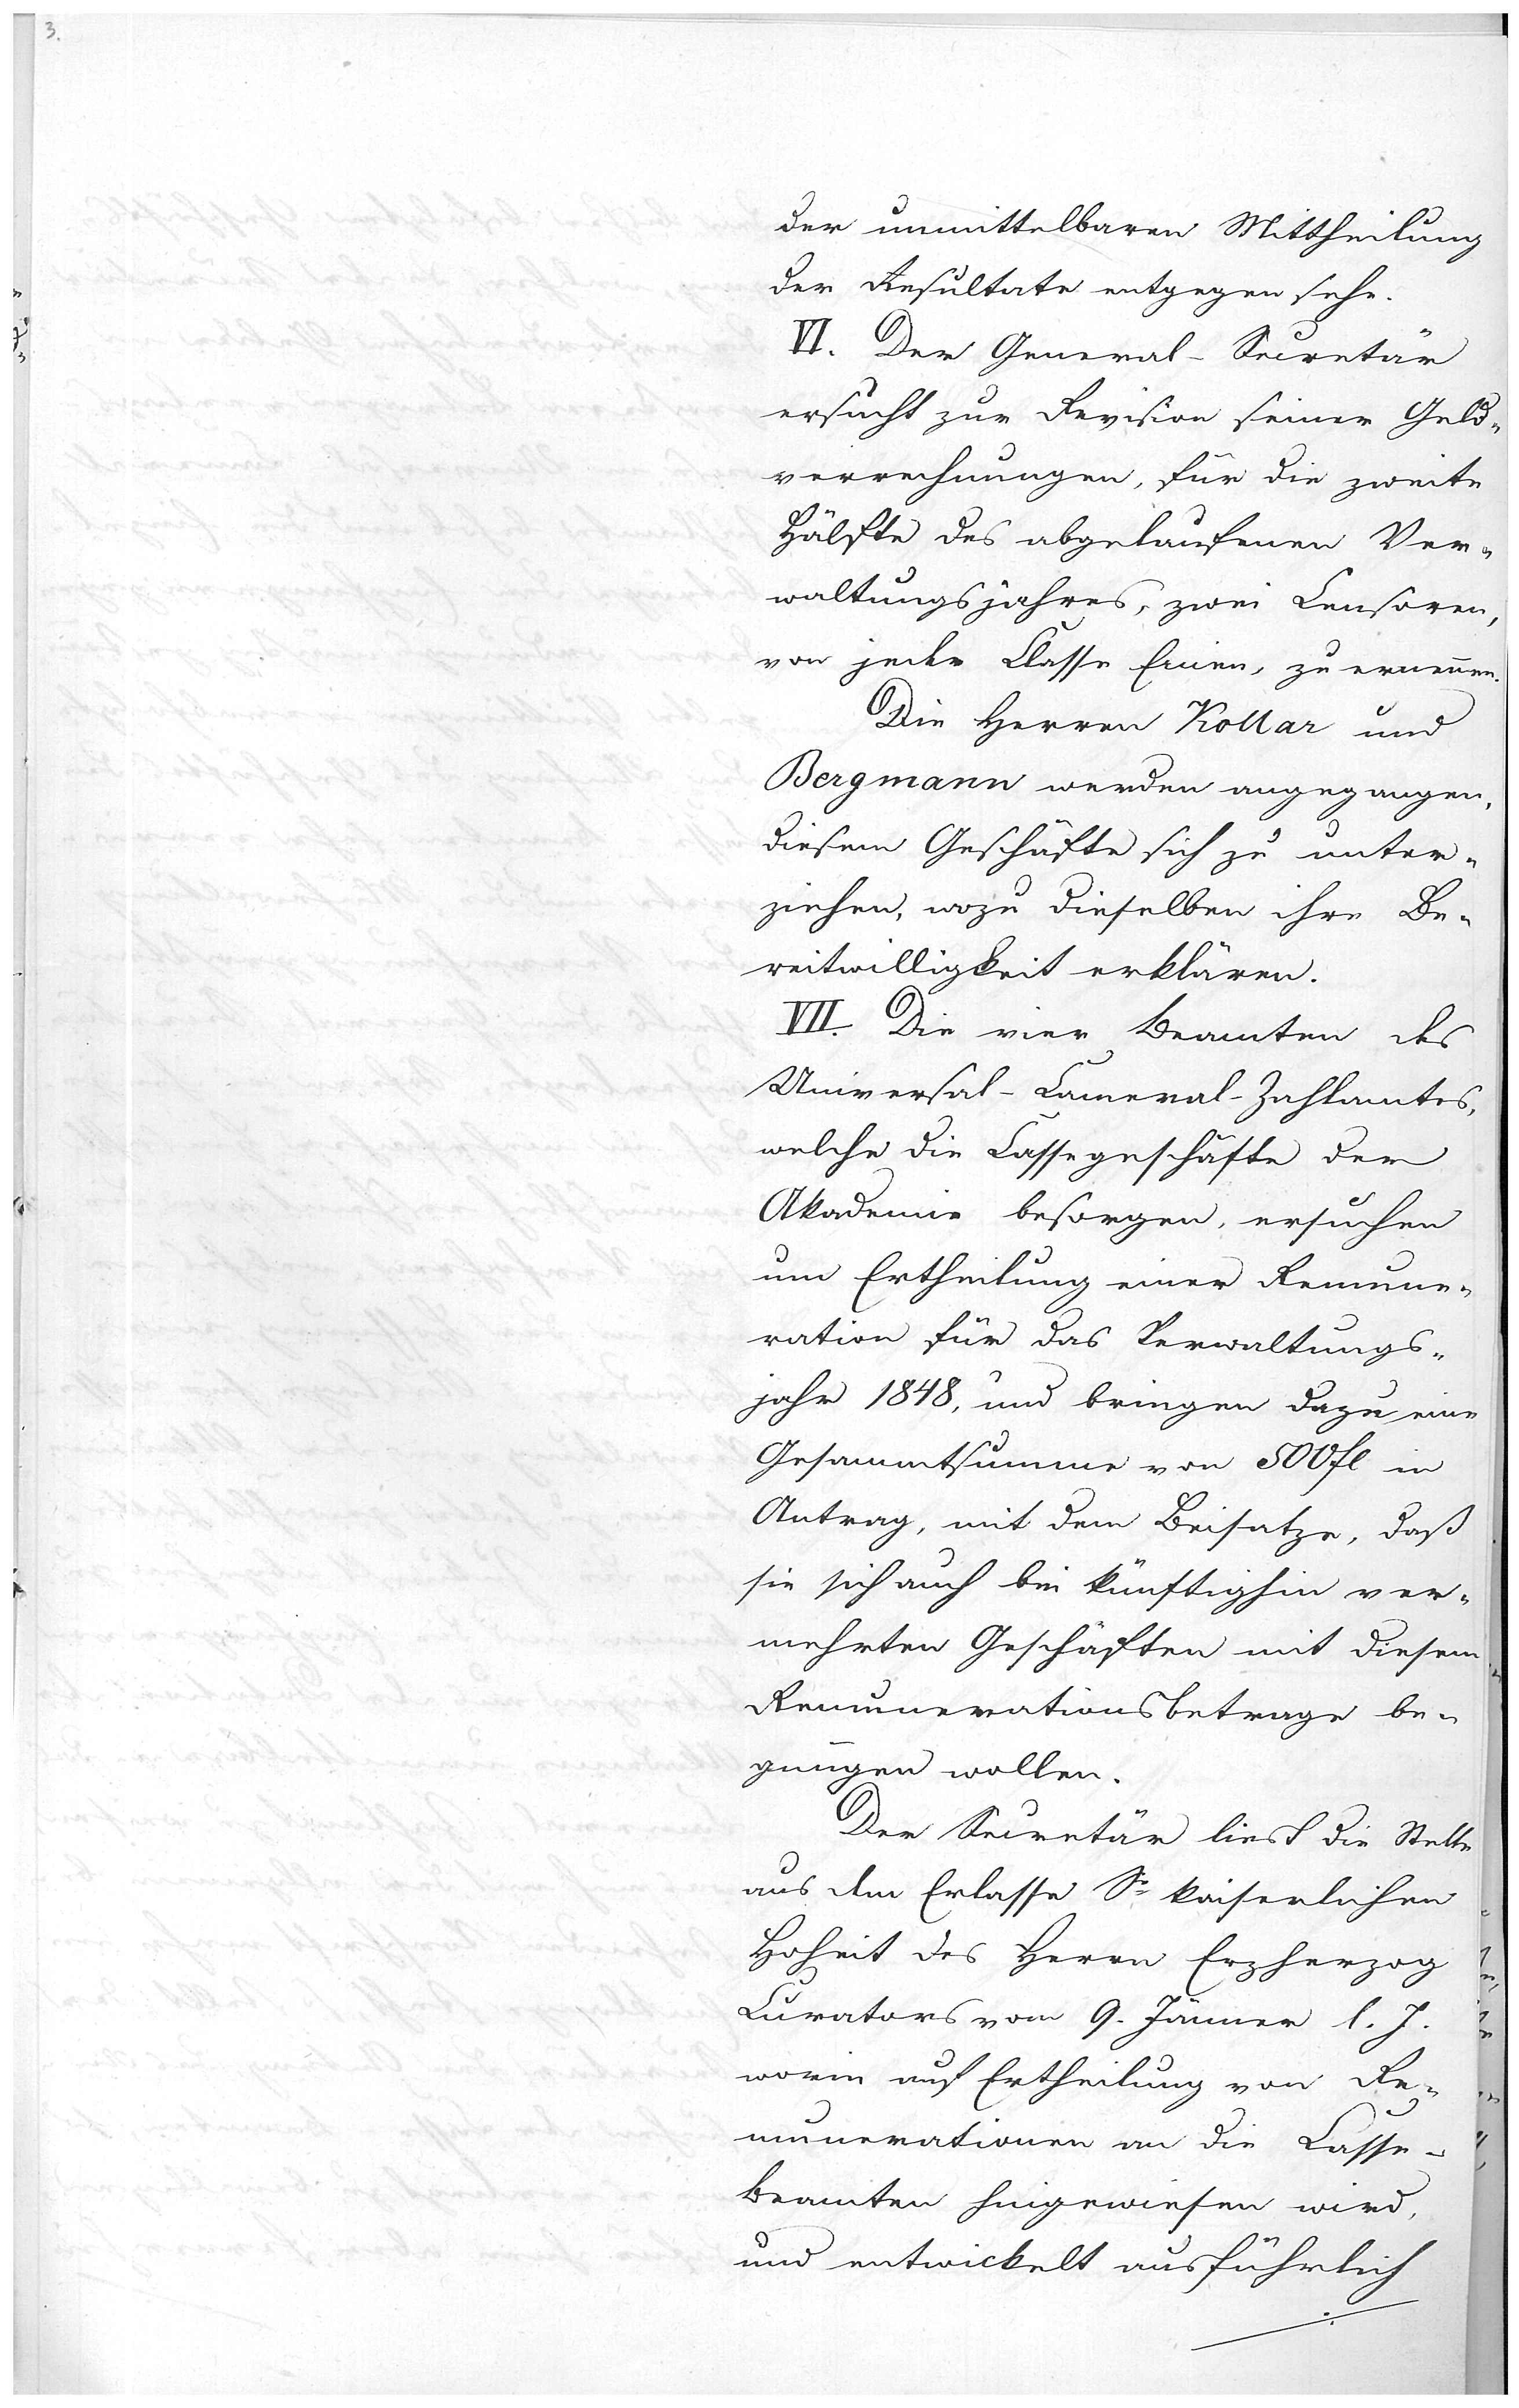der unmittelbaren Mittheilung
der Resultats entgegen sehe.
VI. Der General-Secretär
ersucht zur Revision seiner Geld-
verrechnungen, für die zweite
Hälfte das abgelaufenen Ver-
waltungsjahres, zwei Censoren,
von jeder Classe Einen, zuernennen.
Die Herren Kollar und
Bergmann werden angegangen,
diesem Geschäfte sich zu unter-
ziehen, wozu dieselben ihre Be-
reitwilligkeit erklären.
VII. Die vier Beamten des
Universal-Cameral-Zahlamtes,
welche die Cassegeschäfte der
Akademie besorgen, ersuchen
um Ertheilung einer Remune-
ration für des Verwaltungs-
jahr 1848, und bringen dazu eine
Gesammtsumme von 500 fl in
Antrag, mit dem Beisatze, daß
sie sich auch der künftighin ver-
mehrten Geschäften mit diesem
Remunerationsbetrage be-
gnügen wollen.
Der Secretär liest die Stelle
aus dem Erlasse Sr. kaiserlichen
Hoheit des Herrn Erzherzog
Curators vom 9. Jänner l. J.
worin auf Ertheilung von Re-
munerationen an die Casse-
beamten hingewiesen wird,
und entwickelt ausführlich